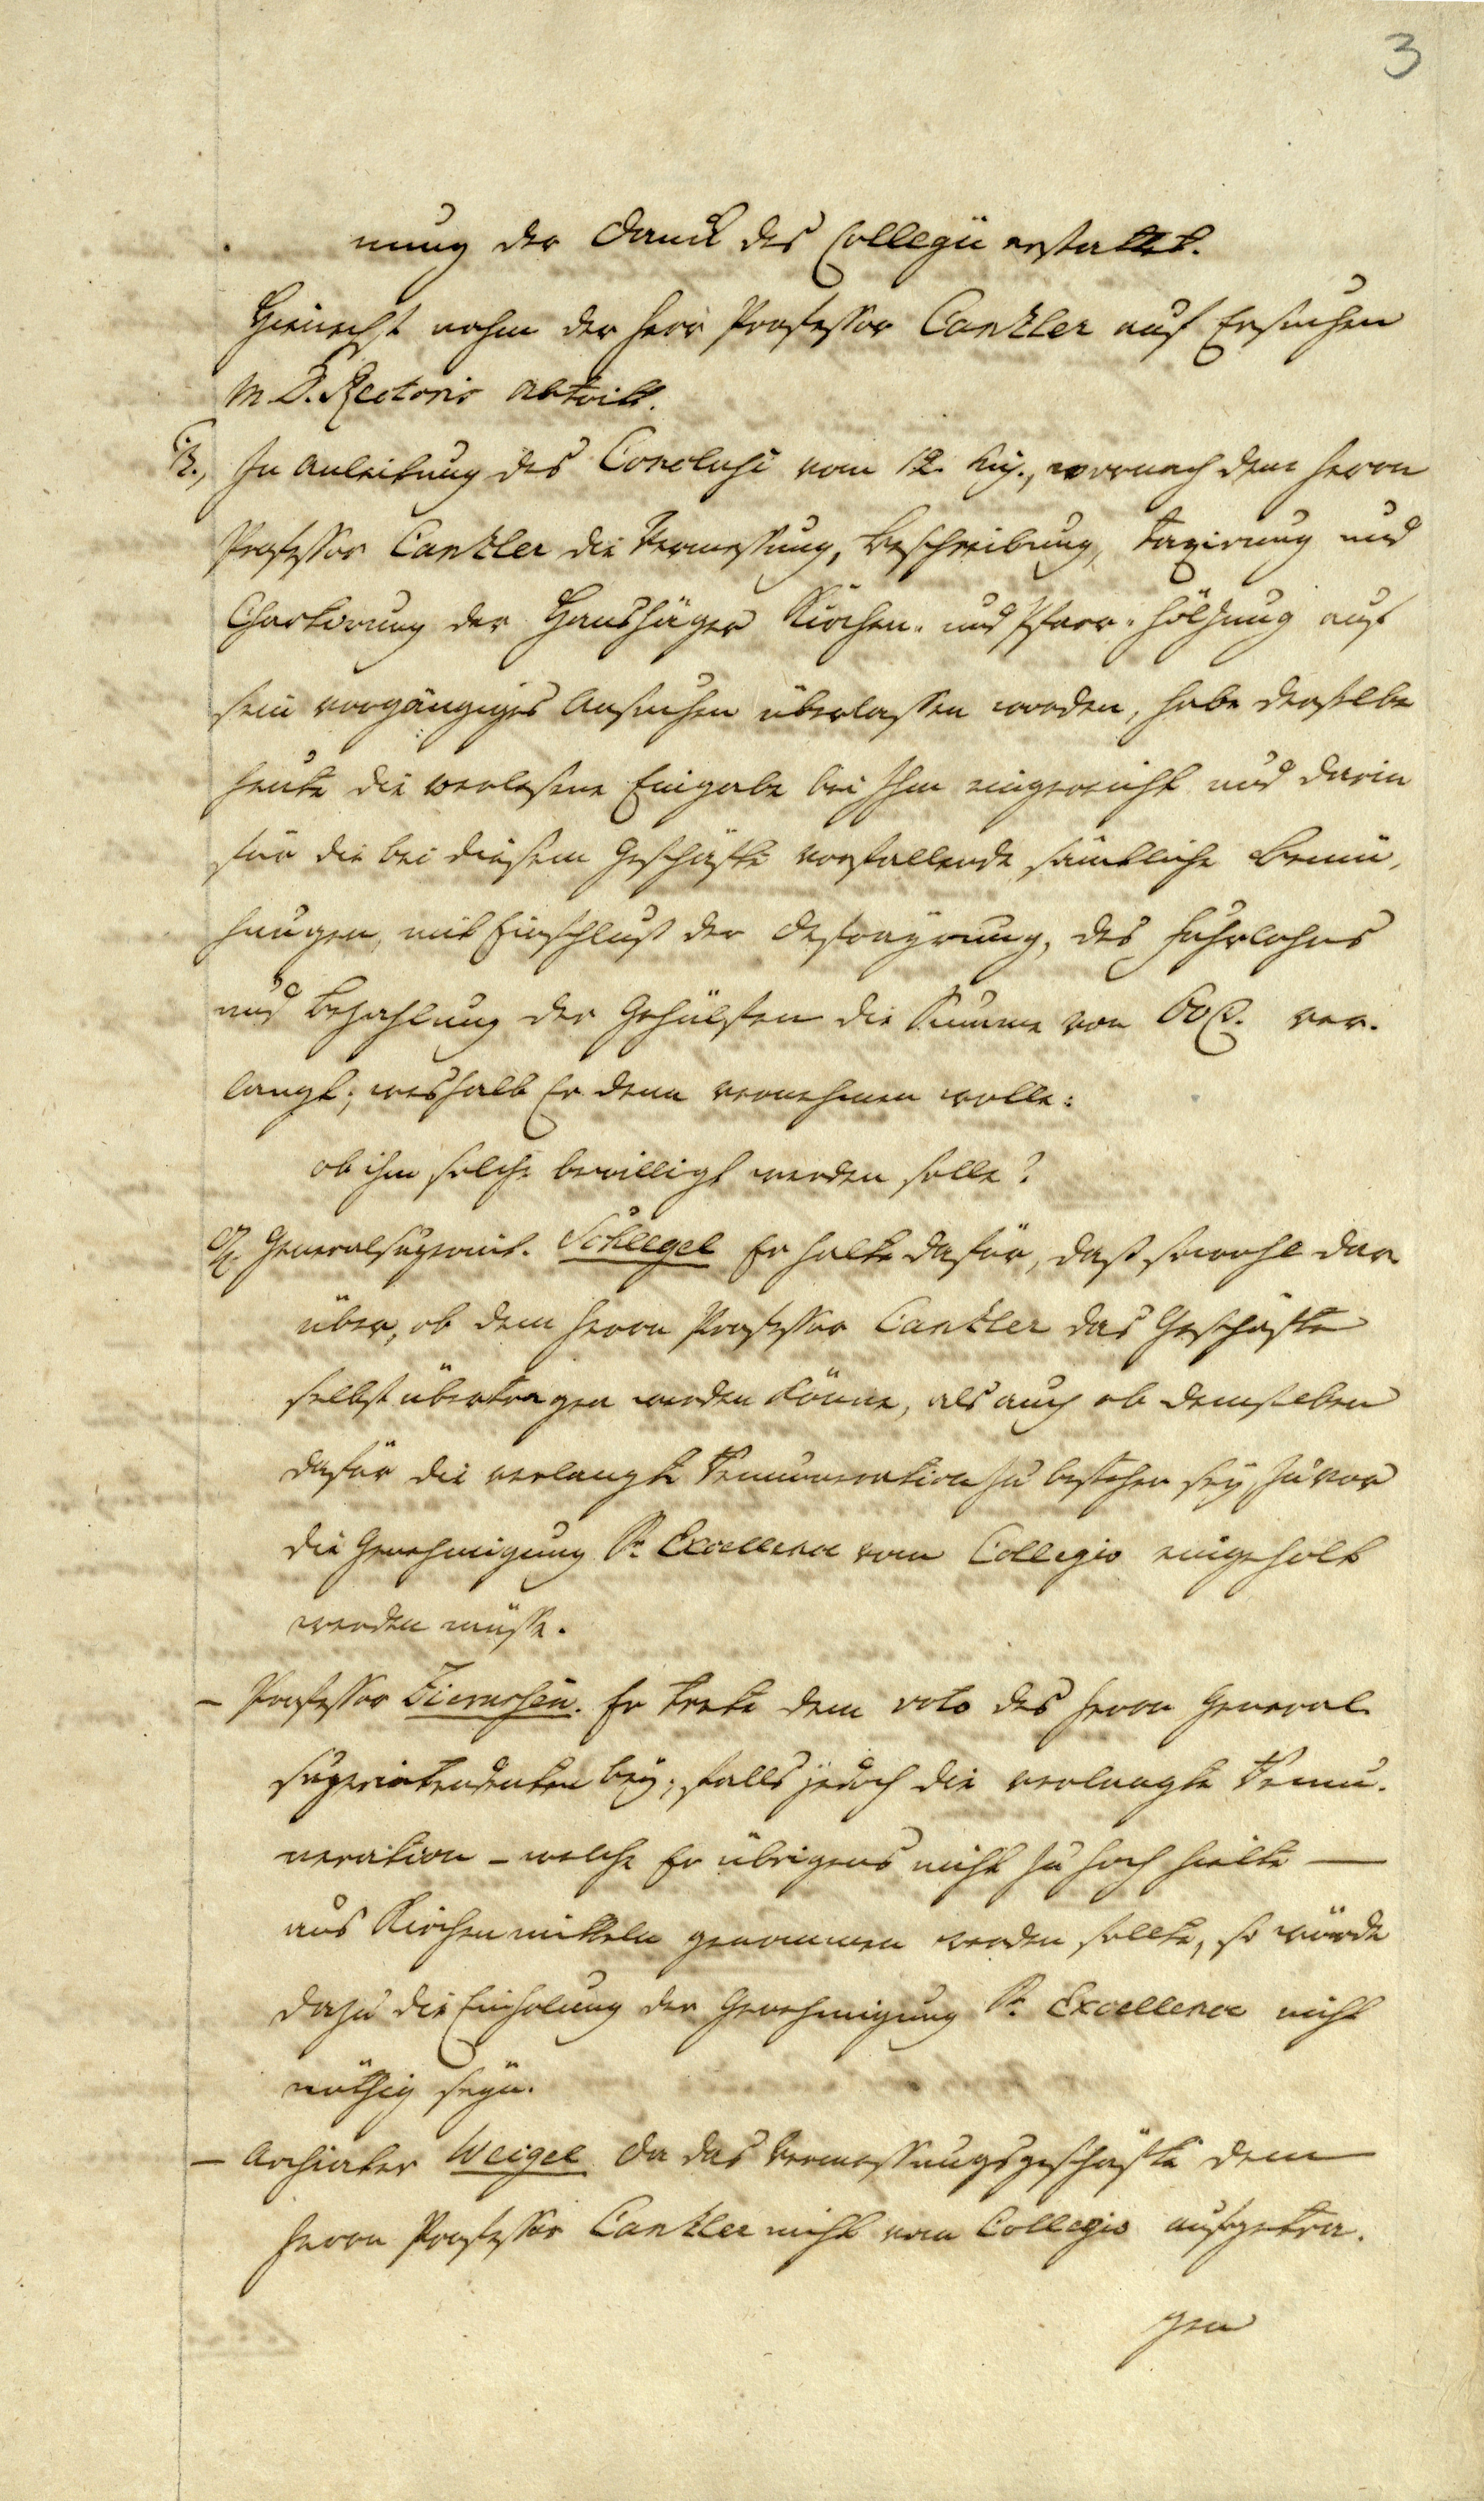nung der Danck des Collegii erstattet.
Hienechst nahm der Herr Professor Canzler auf Ersuchen
M. D. Rectoris Abtritt.
3., In Anleitung des Conclusi vom 12. huj., wornach dem Herrn
Professor Canzler die Vermessung, Beschreibung, Taxirung und
Chartirung der Hanshäger Kirchen- und Pfarr- Hölzung auf
sein vorgängiges Ansuchen überlassen worden, habe derselbe
heute die verlesene Eingabe bei Ihm eingereicht und darin
für die bei diesem Geschäfte vorfallende sämtliche Bemü¬
hungen mit Einschluß den Defraÿrung, des Fuhrlohns
und Bezahlung der Gehülfen die Summe von 60 l. ver¬
langt; weshalb Er denn vernehmen wolle:
ob ihm solche bewilligt werden solle?
dh. Generalsuperint. Schlegel Er halte dafür, daß sowohl dar¬
über, ob dem Herrn Professor Canzler das Geschäfte
selbst übertragen werden könne, als auch ob demselben
dafür die verlangte Remuneration zu bestehen seÿ, zuvor
die Genehmigung Sr Excellence vom Collegio eingeholt
werden müsse.
Professor Ziemssen. Er trete dem voto des Herrn General¬
superintendenten beÿ, falls jedoch die verlangte Remu¬
neration - welche Er übrigens nicht zu hoch hielte -
aus Kirchenmitteln genommen werden sollte, so würde
dazu die Einholung der Genehmigung Sr Excellence nicht
nöthig seÿn.
Archiater Weigel. Da das Vermessungsgeschäfte dem
Herrn Professor Canzler nicht vom Collegii aufgetra¬
gen